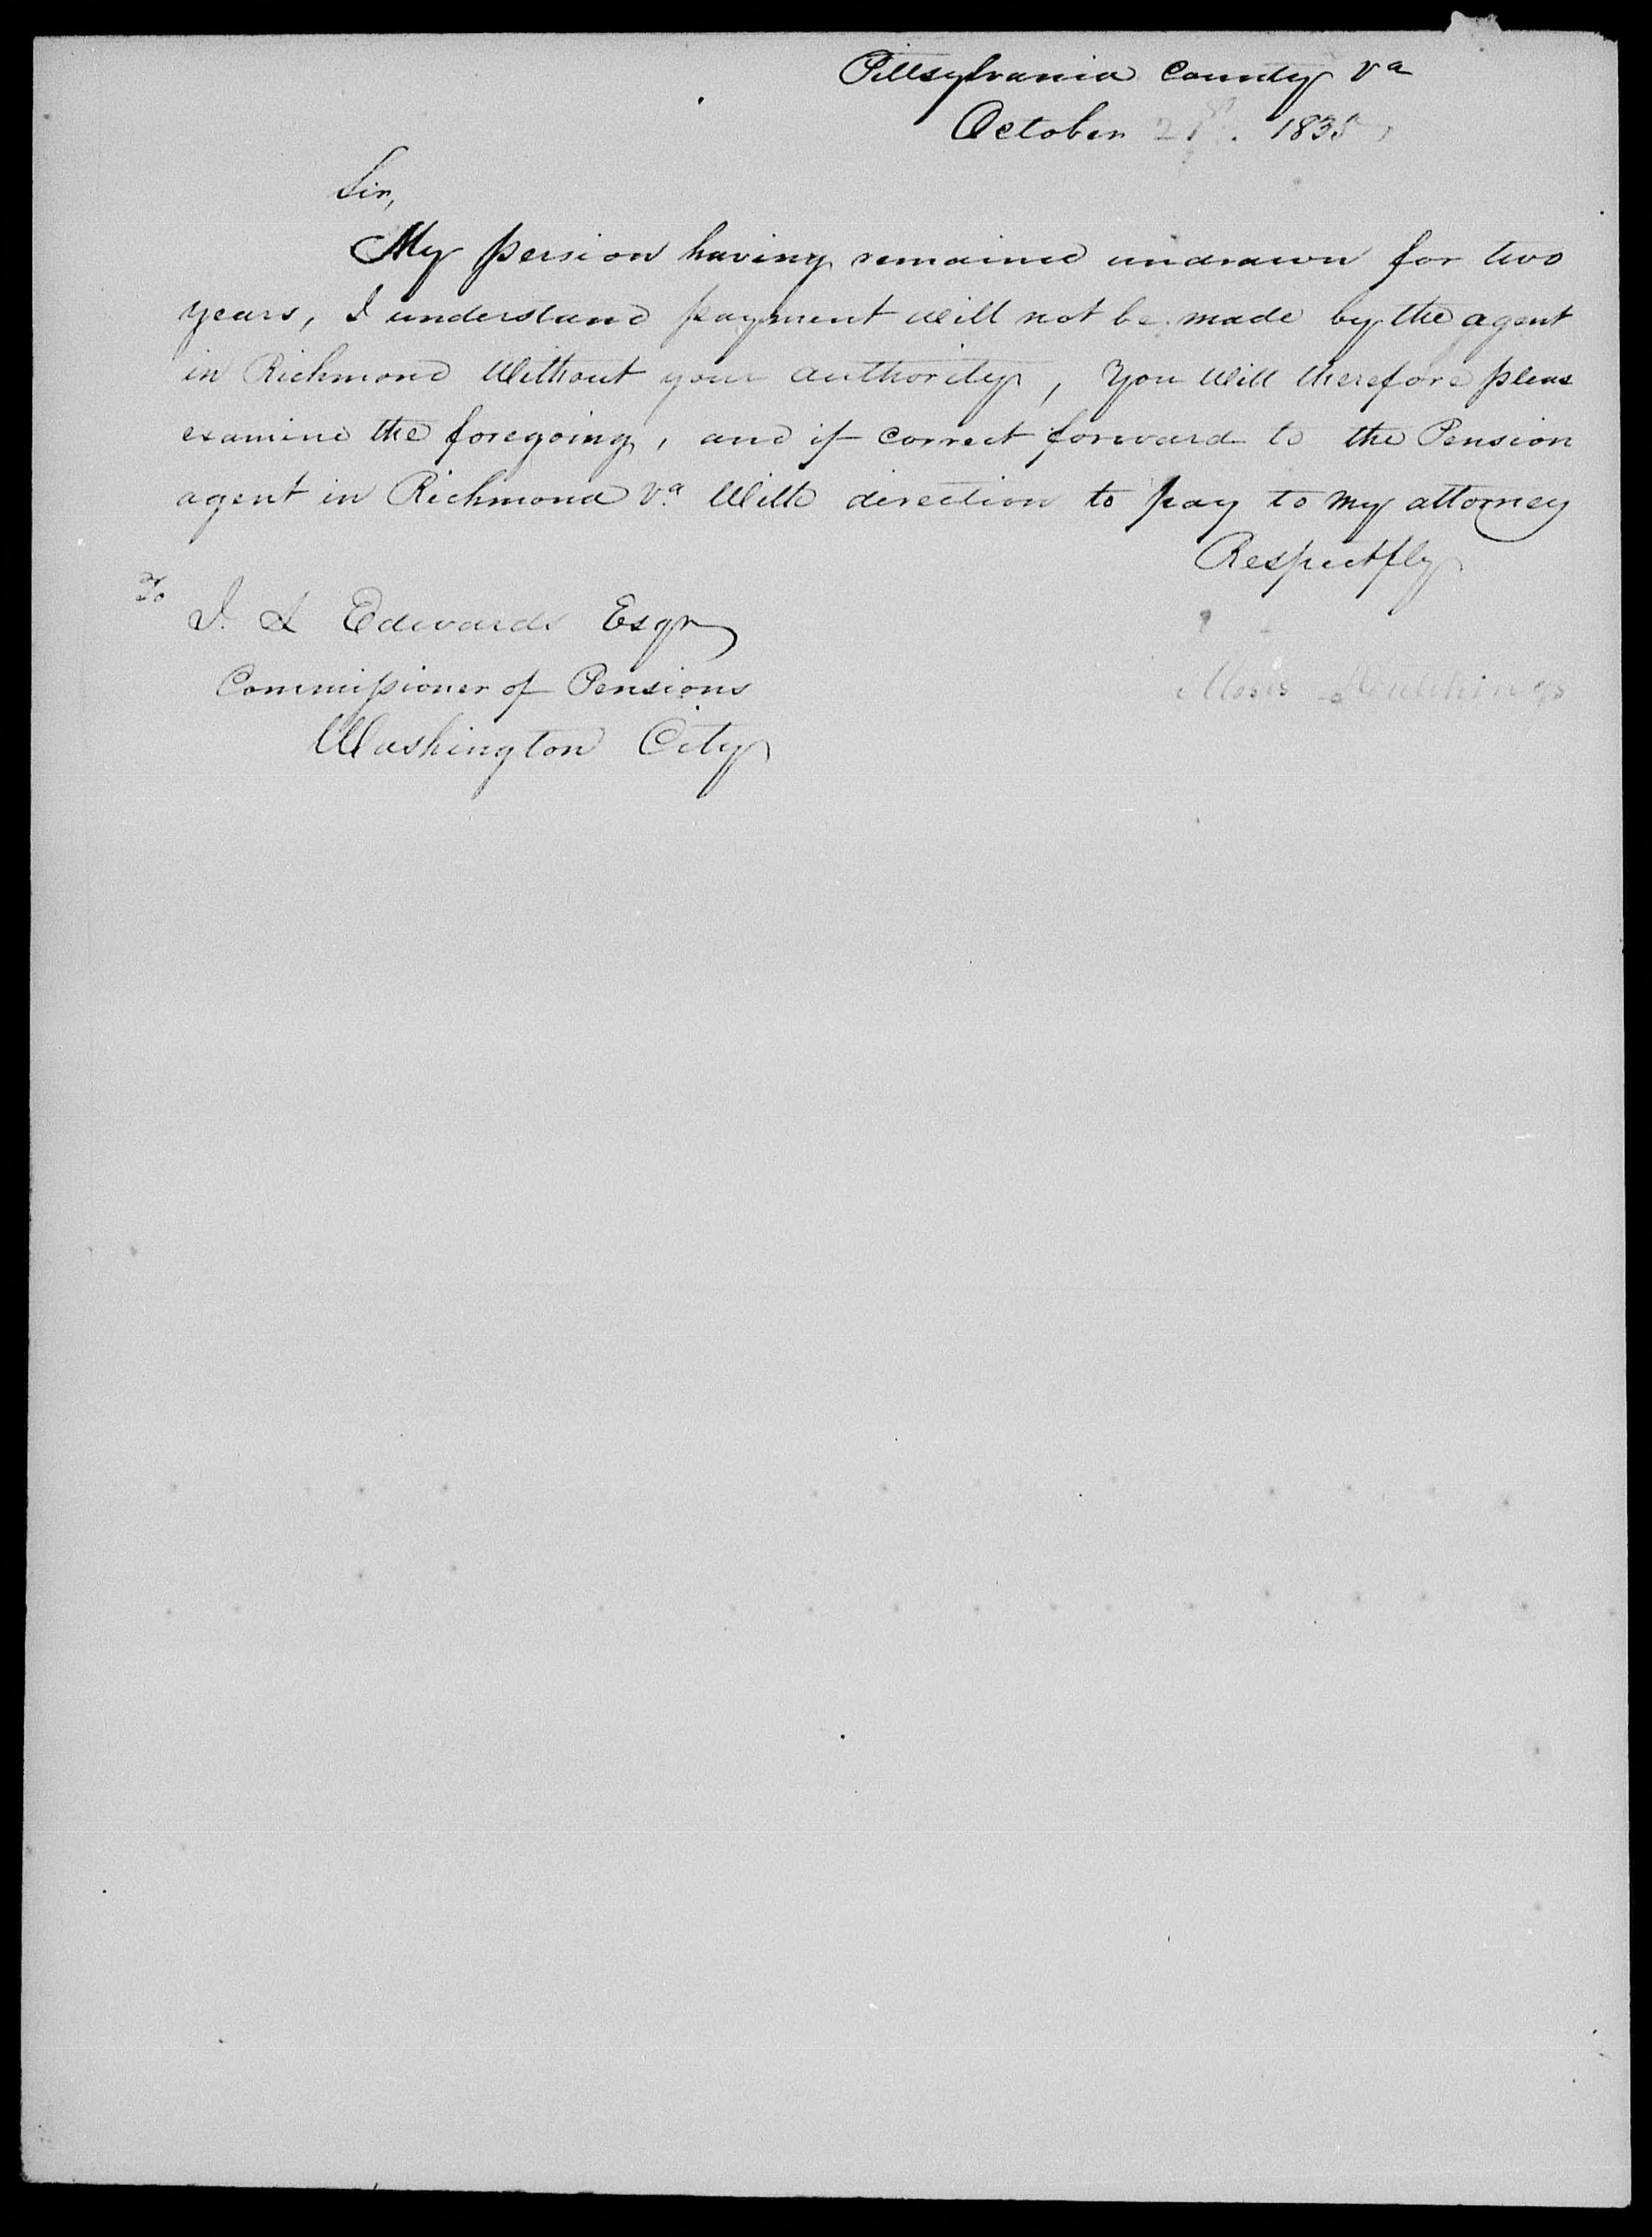Pittsylvania County Va. 
October 21st 1835

Sir, 
My pension having remained undrawn for two years, I understand payment will not be made by the agent in Richmond without your authority, you will therefore please examine the foregoing, and if correct forward to the Pension agent in Richmond Va. with direction to pay to my attorney
Respectfly [Respectfully]
Moses Hutchings

To J. L. Edwards Esqr 
Commissioner of Pensions 
Washington City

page: 11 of 18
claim: survivor's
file: S. 8742, for Moses Hutchings, Virginia